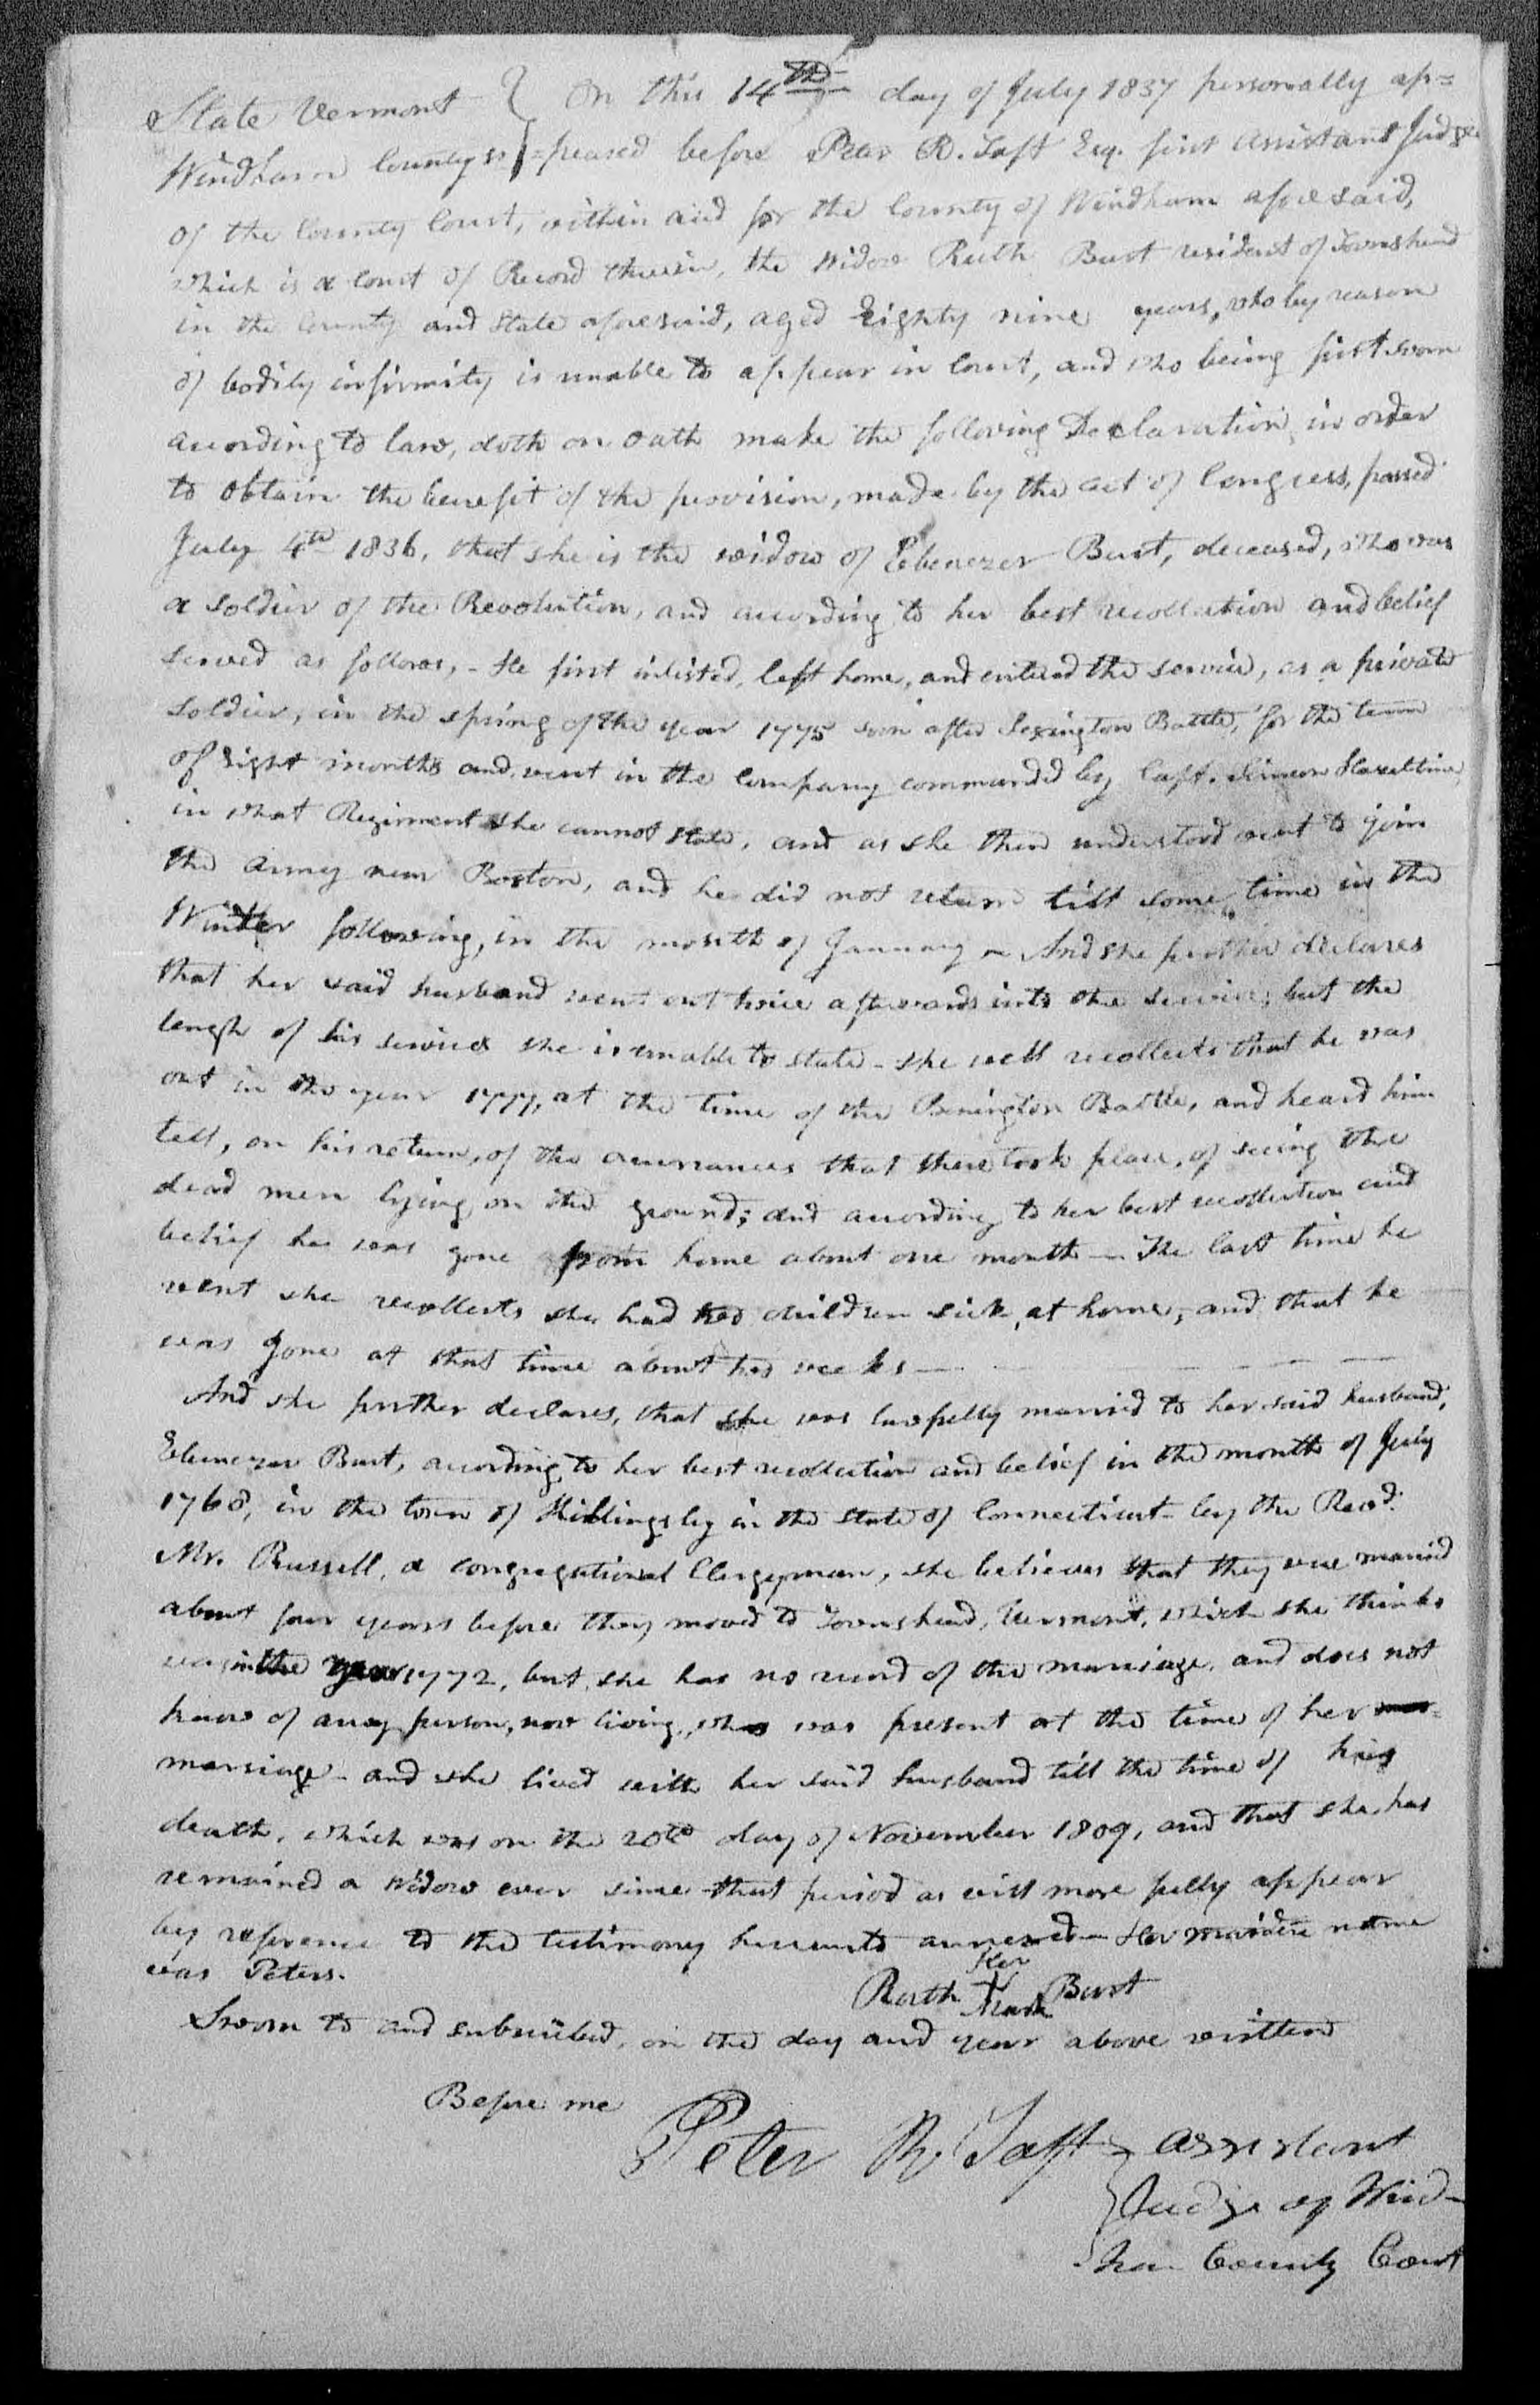State Vermont} 
Windham County ss} On this 14th day of July 1837 personally appeared before Peter R. Taft Esq. first assistant Judge of the County Court, within and for the County of Windham aforesaid, which is a court of Record therein, the widow Ruth Burt resident of Townshend in the County and State aforesaid, aged eighty nine years, who by reason of bodily infirmity is unable to appear in court, and who being first sworn according to law, doth on oath make the following Declaration in order to obtain the benefit of the provision, made by the act of Congress passed July 4, 1836, that she is the widow of Ebenezer Burt, deceased a soldier of the Revolution, and according to her best recollection and belief served as follows, - he first enlisted, left home and entered the service, as a private Soldier in the spring of the year 1775 soon after Lexington Battle, for the term of eight months and went in the company commanded by Capt. Simeon Hazeltine, in what Regiment she cannot state, and as she then understood went to join the army near Boston, and he did not return till some time in the Winter following, in the month of January - And she further declares that her said husband went out twice afterwards into the  service; but the length of his service she is unable to state - she well recollects that he was out in the year 1777, at the time of the Bennington Battle, and heard him tell, on his return, of the (illegible) that there took place, of seeing the dead men lying on the ground; and according to her best recollection and belief he was gone from home about one month -  The last time he went she recollects she had her children sick, at home, and that he was gone at that time two weeks -

And she further declares, that she was lawfully married to her said husband, Ebenezer Burt, according to her best recollection and belief in the month of July 1768, in the town of Killingly in the state of Connecticut by the Revd. Mr. Russell, a congregational Clergyman, she believes that they were married about four years before they moved to Townshend, Vermont, which she thinks was in the year 1772, but she has no record of the marriage, and does not have any person now living that was present at the time of her marriage - and she lived with her said husband till time of his death, which was on the 20th day of November 1809, and that she has remained a widow ever since that period as will more fully appear by reference to the testimony hereunto annexed - her maiden name was Peters.
       her
Ruth X Burt
       mark

Sworn to and submitted on this day and year above written 
Before me  
Peter R. Taft} Assistant Judge of Windham County Court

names: Ruth Burt, Simeon Hazeltine, Ebenezer Burt, Ebenezer Burt, Peter R Taft, Russell, Peter R Taft, Peters, Ruth Burt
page: 3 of 17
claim: widow's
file: W. 20809, Ebenezer Burt, Mass.